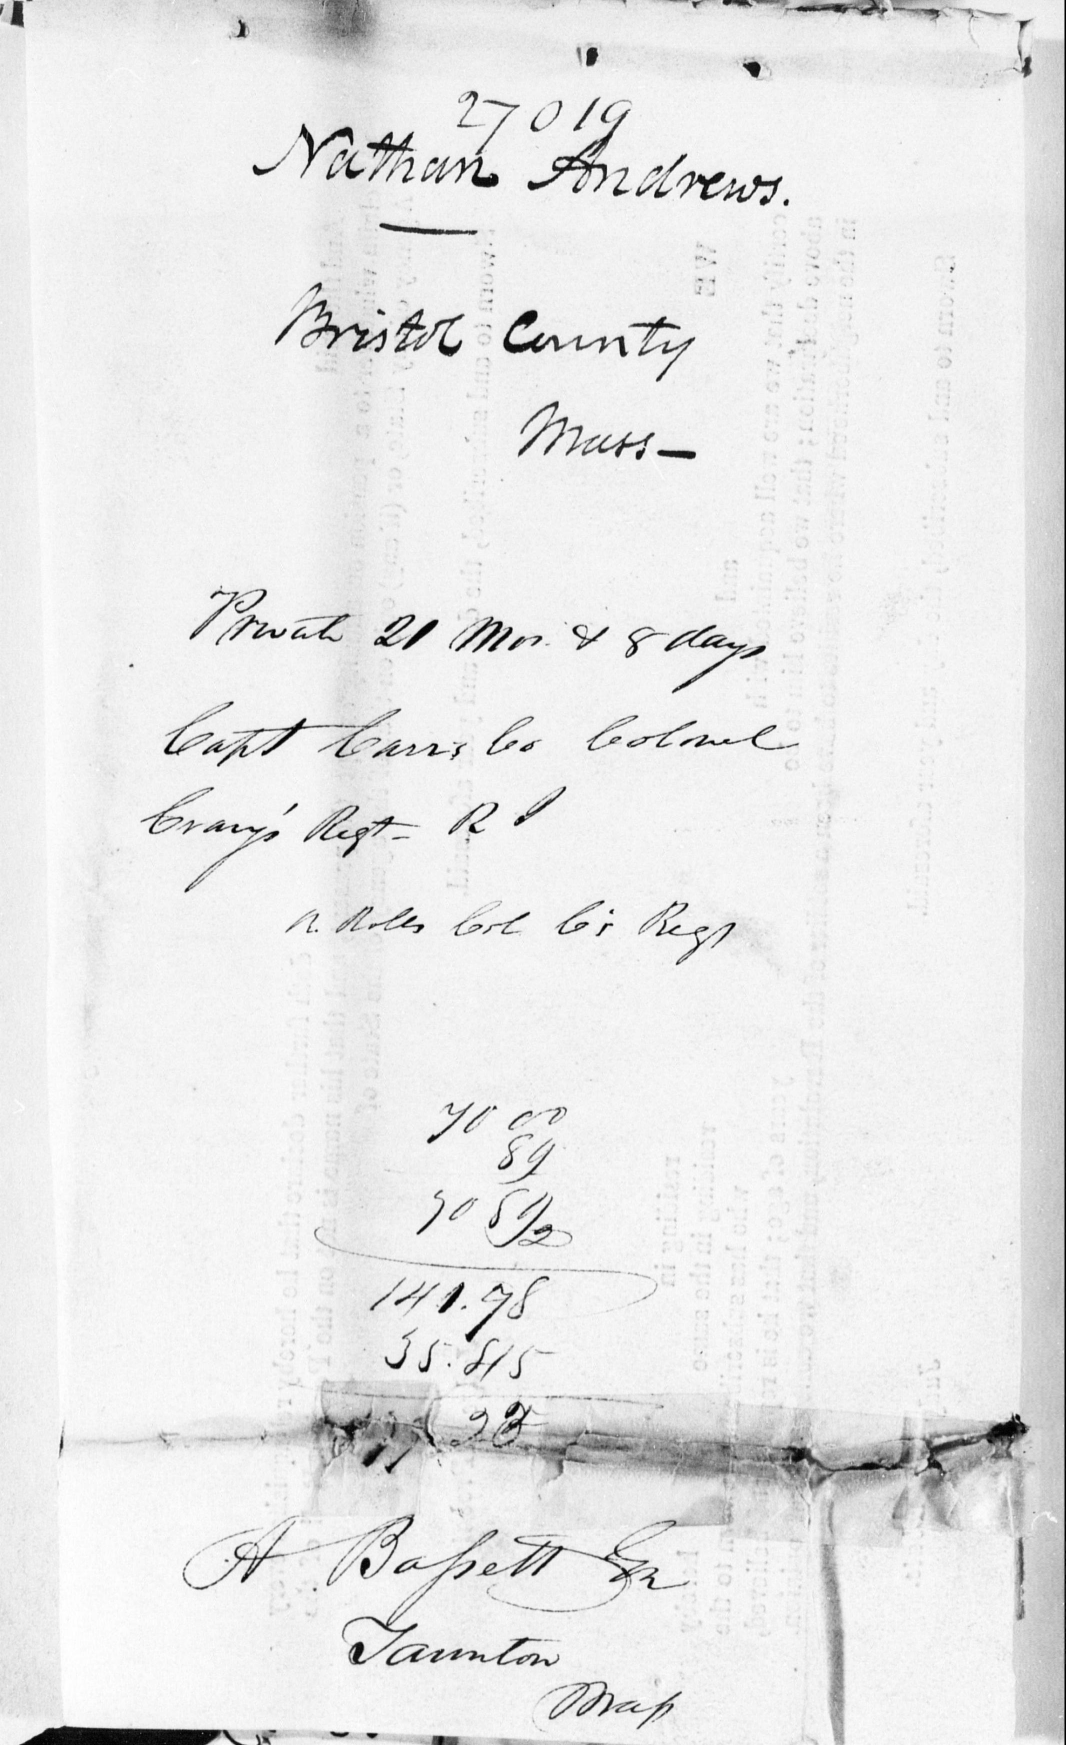27019 Nathan Andrews Bristol County Mass
Private 21 Mos & 8 days
Capt Carr's Co Colonel Gray's Regt RI 
[illegible] rolls Coll G's Regt
70.00
89
70 89 2
141.78
35.815
[illegible]
A Bassett Taunton Mass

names: A Bassett, Nathan Andrews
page: 4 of 18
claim: survivor's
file: S. 29,590, Nathan Andrews, Mass R.I.